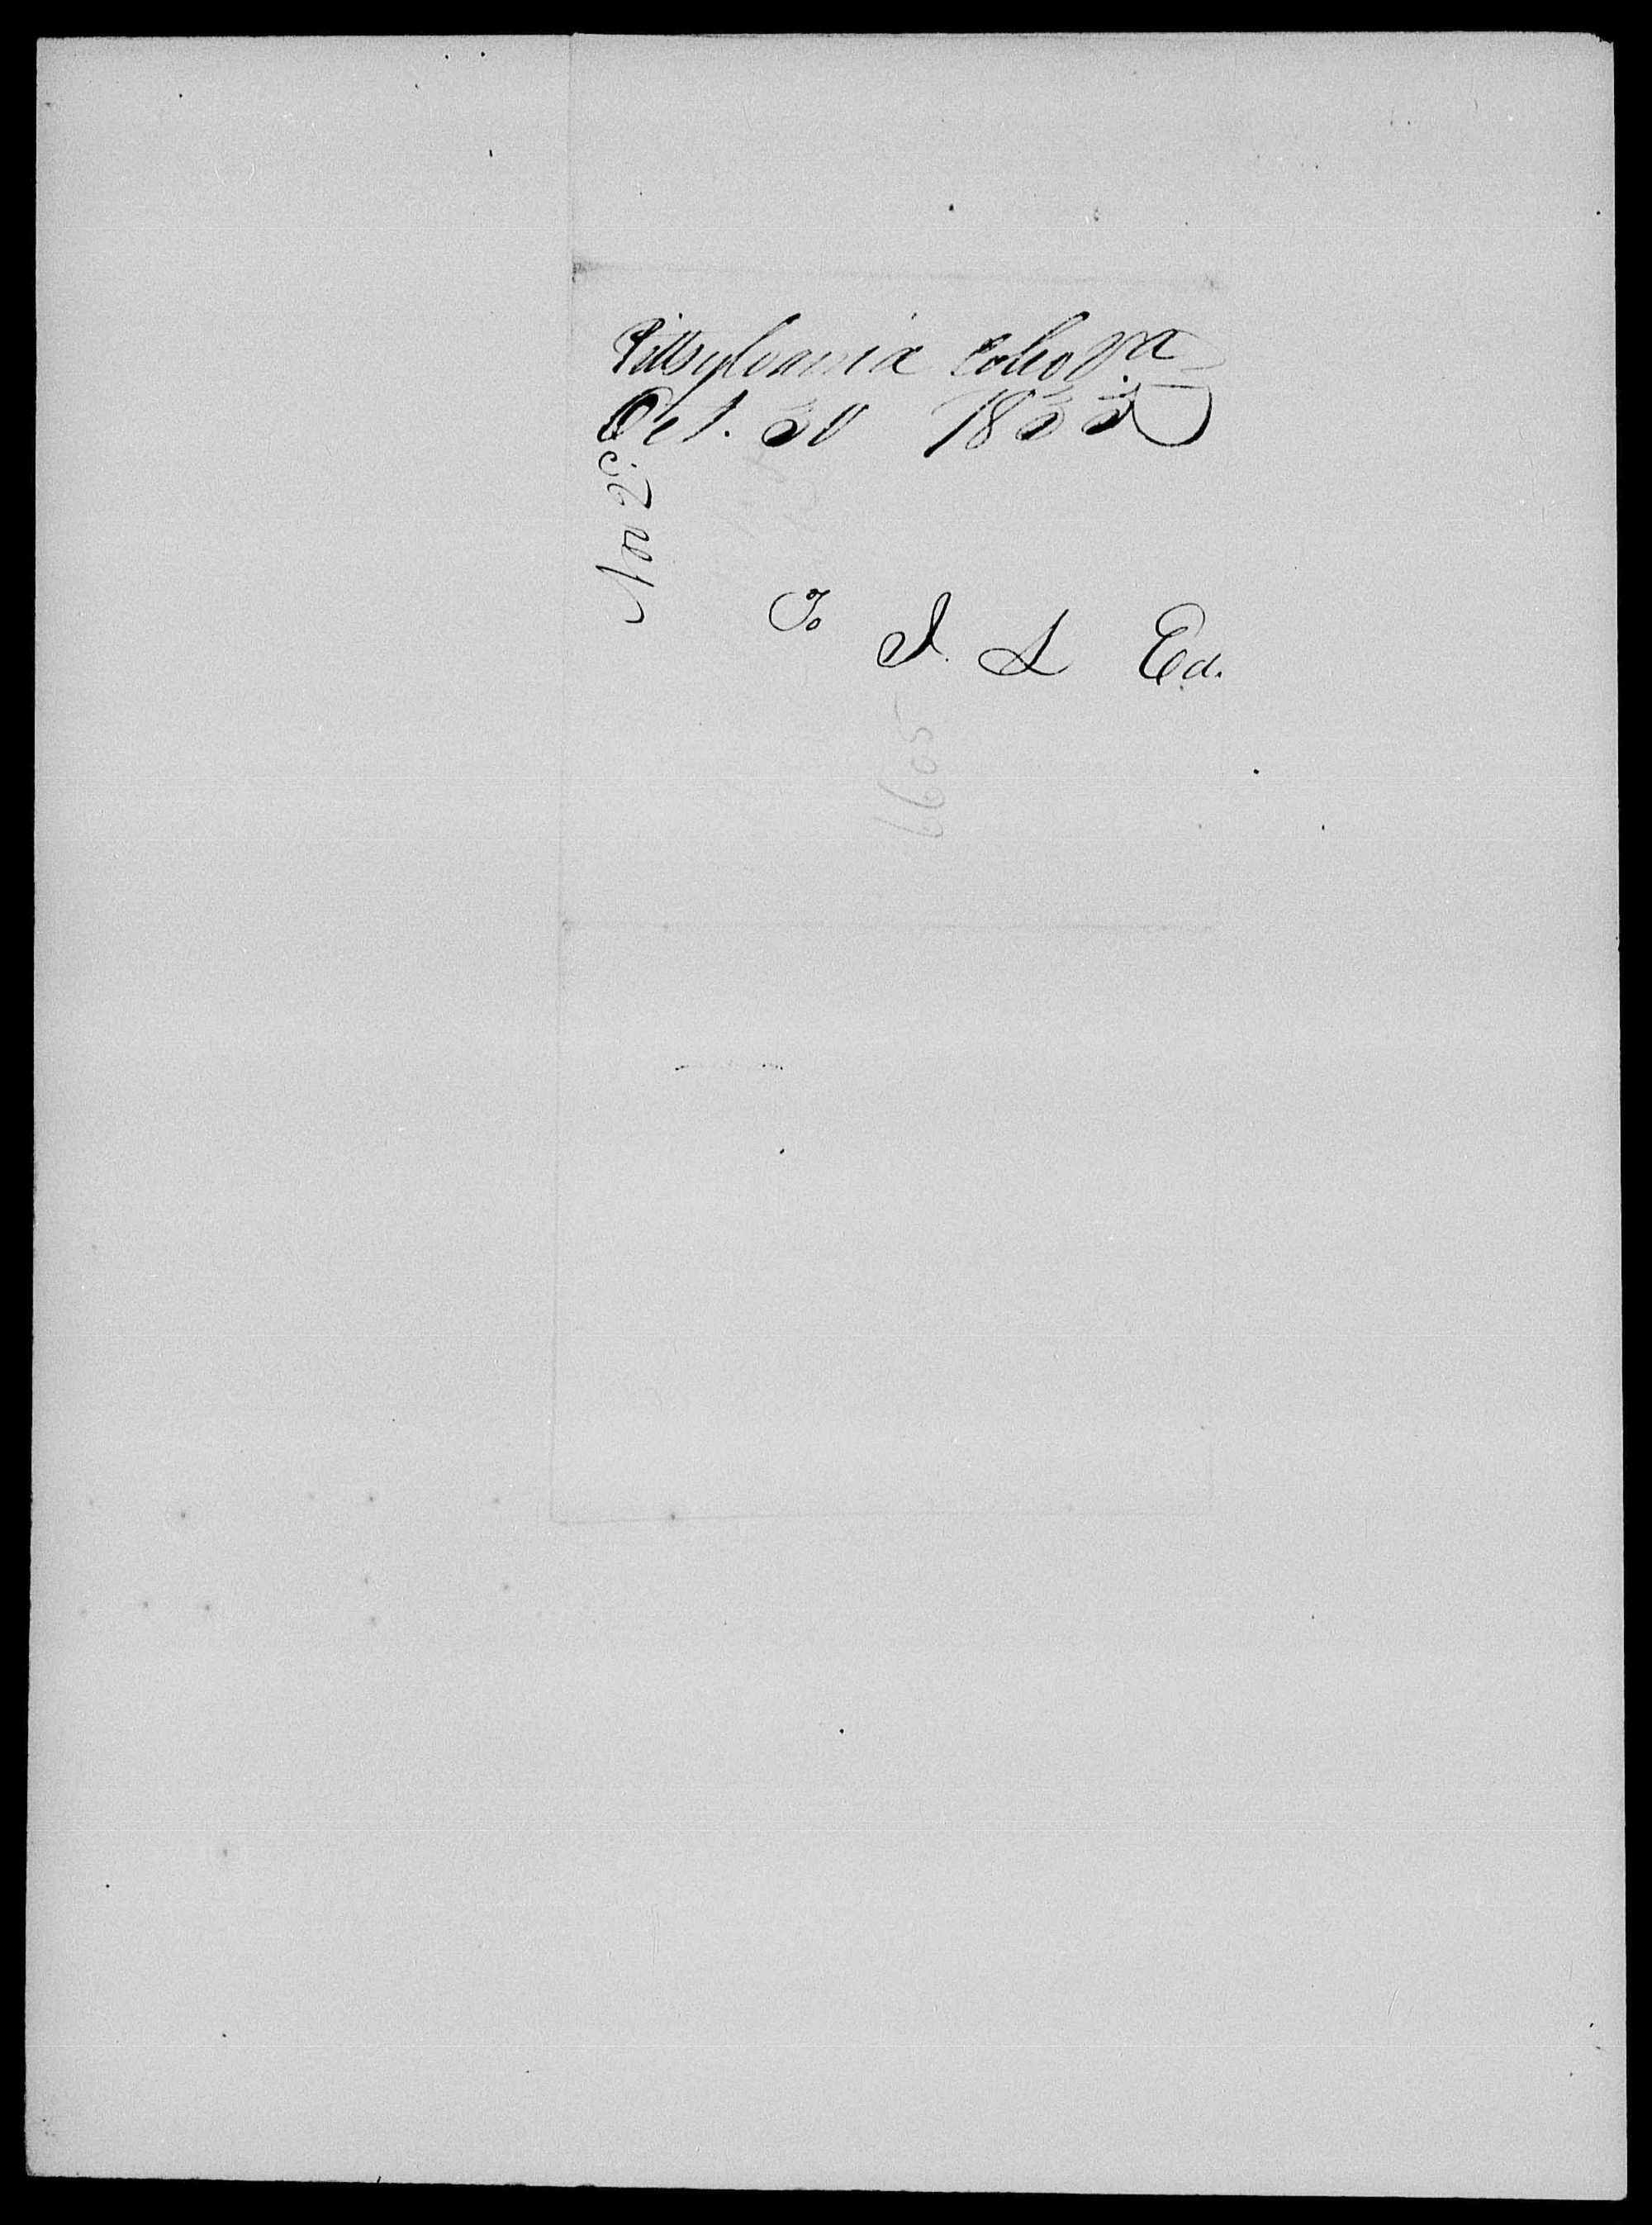[duplicate]

Pittsylvania Co. Va.
Oct. 30, 1832

To J. L. Ed[wards]

[written sideways] Nov 2d 6605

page: 10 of 18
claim: survivor's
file: S. 8742, for Moses Hutchings, Virginia